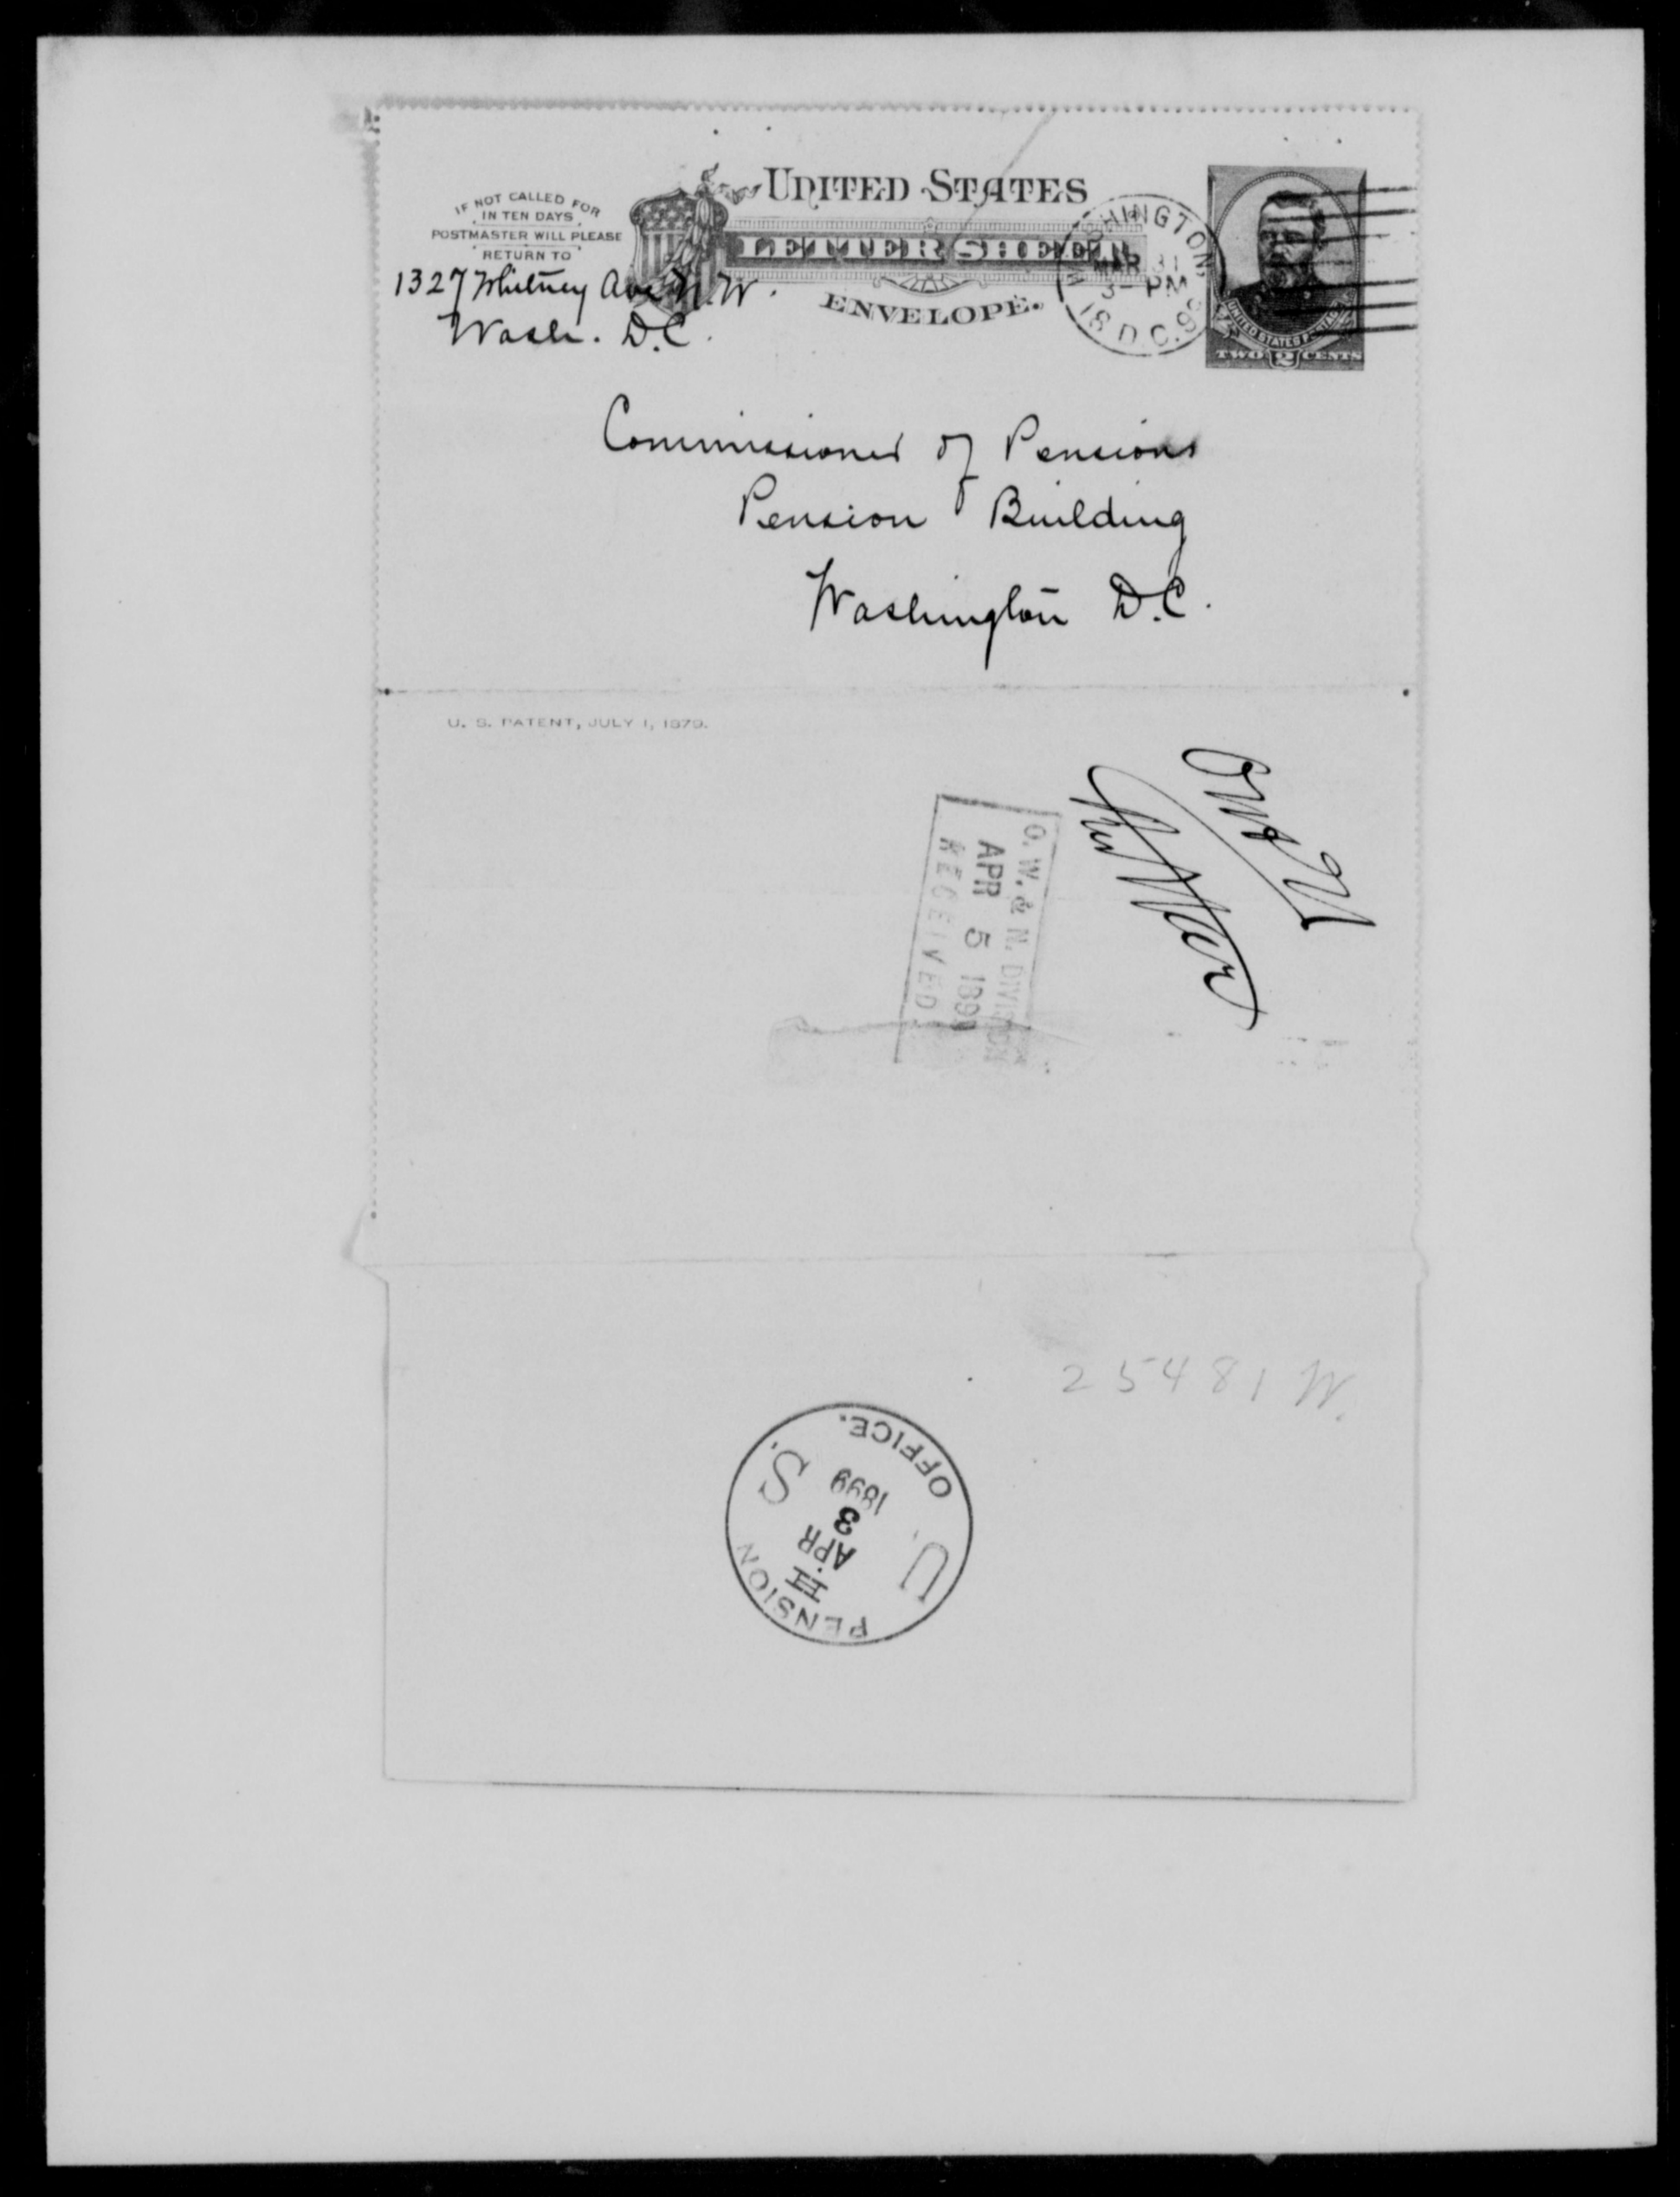UNITED STATES
LETTER SHEET
Envelope
[postage stamp] two cents
[postal mark] WASHINGTON DC APR 11 1899
 If not called for in ten days Postmaster will please return to  1327 Whitney Ave., N.W.
Wash. D.C.

 Commissioner of Pensions
Pension Building
Washington D.C.

[stamp] O.W. & N. Div.
Received APR 5 1899
[illegible signature]

[stamp] U.S. PENSION OFFICE APR 3 1899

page: 45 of 101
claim: widow's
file: W. 25481, for Peter V Tilyou, New Jersey